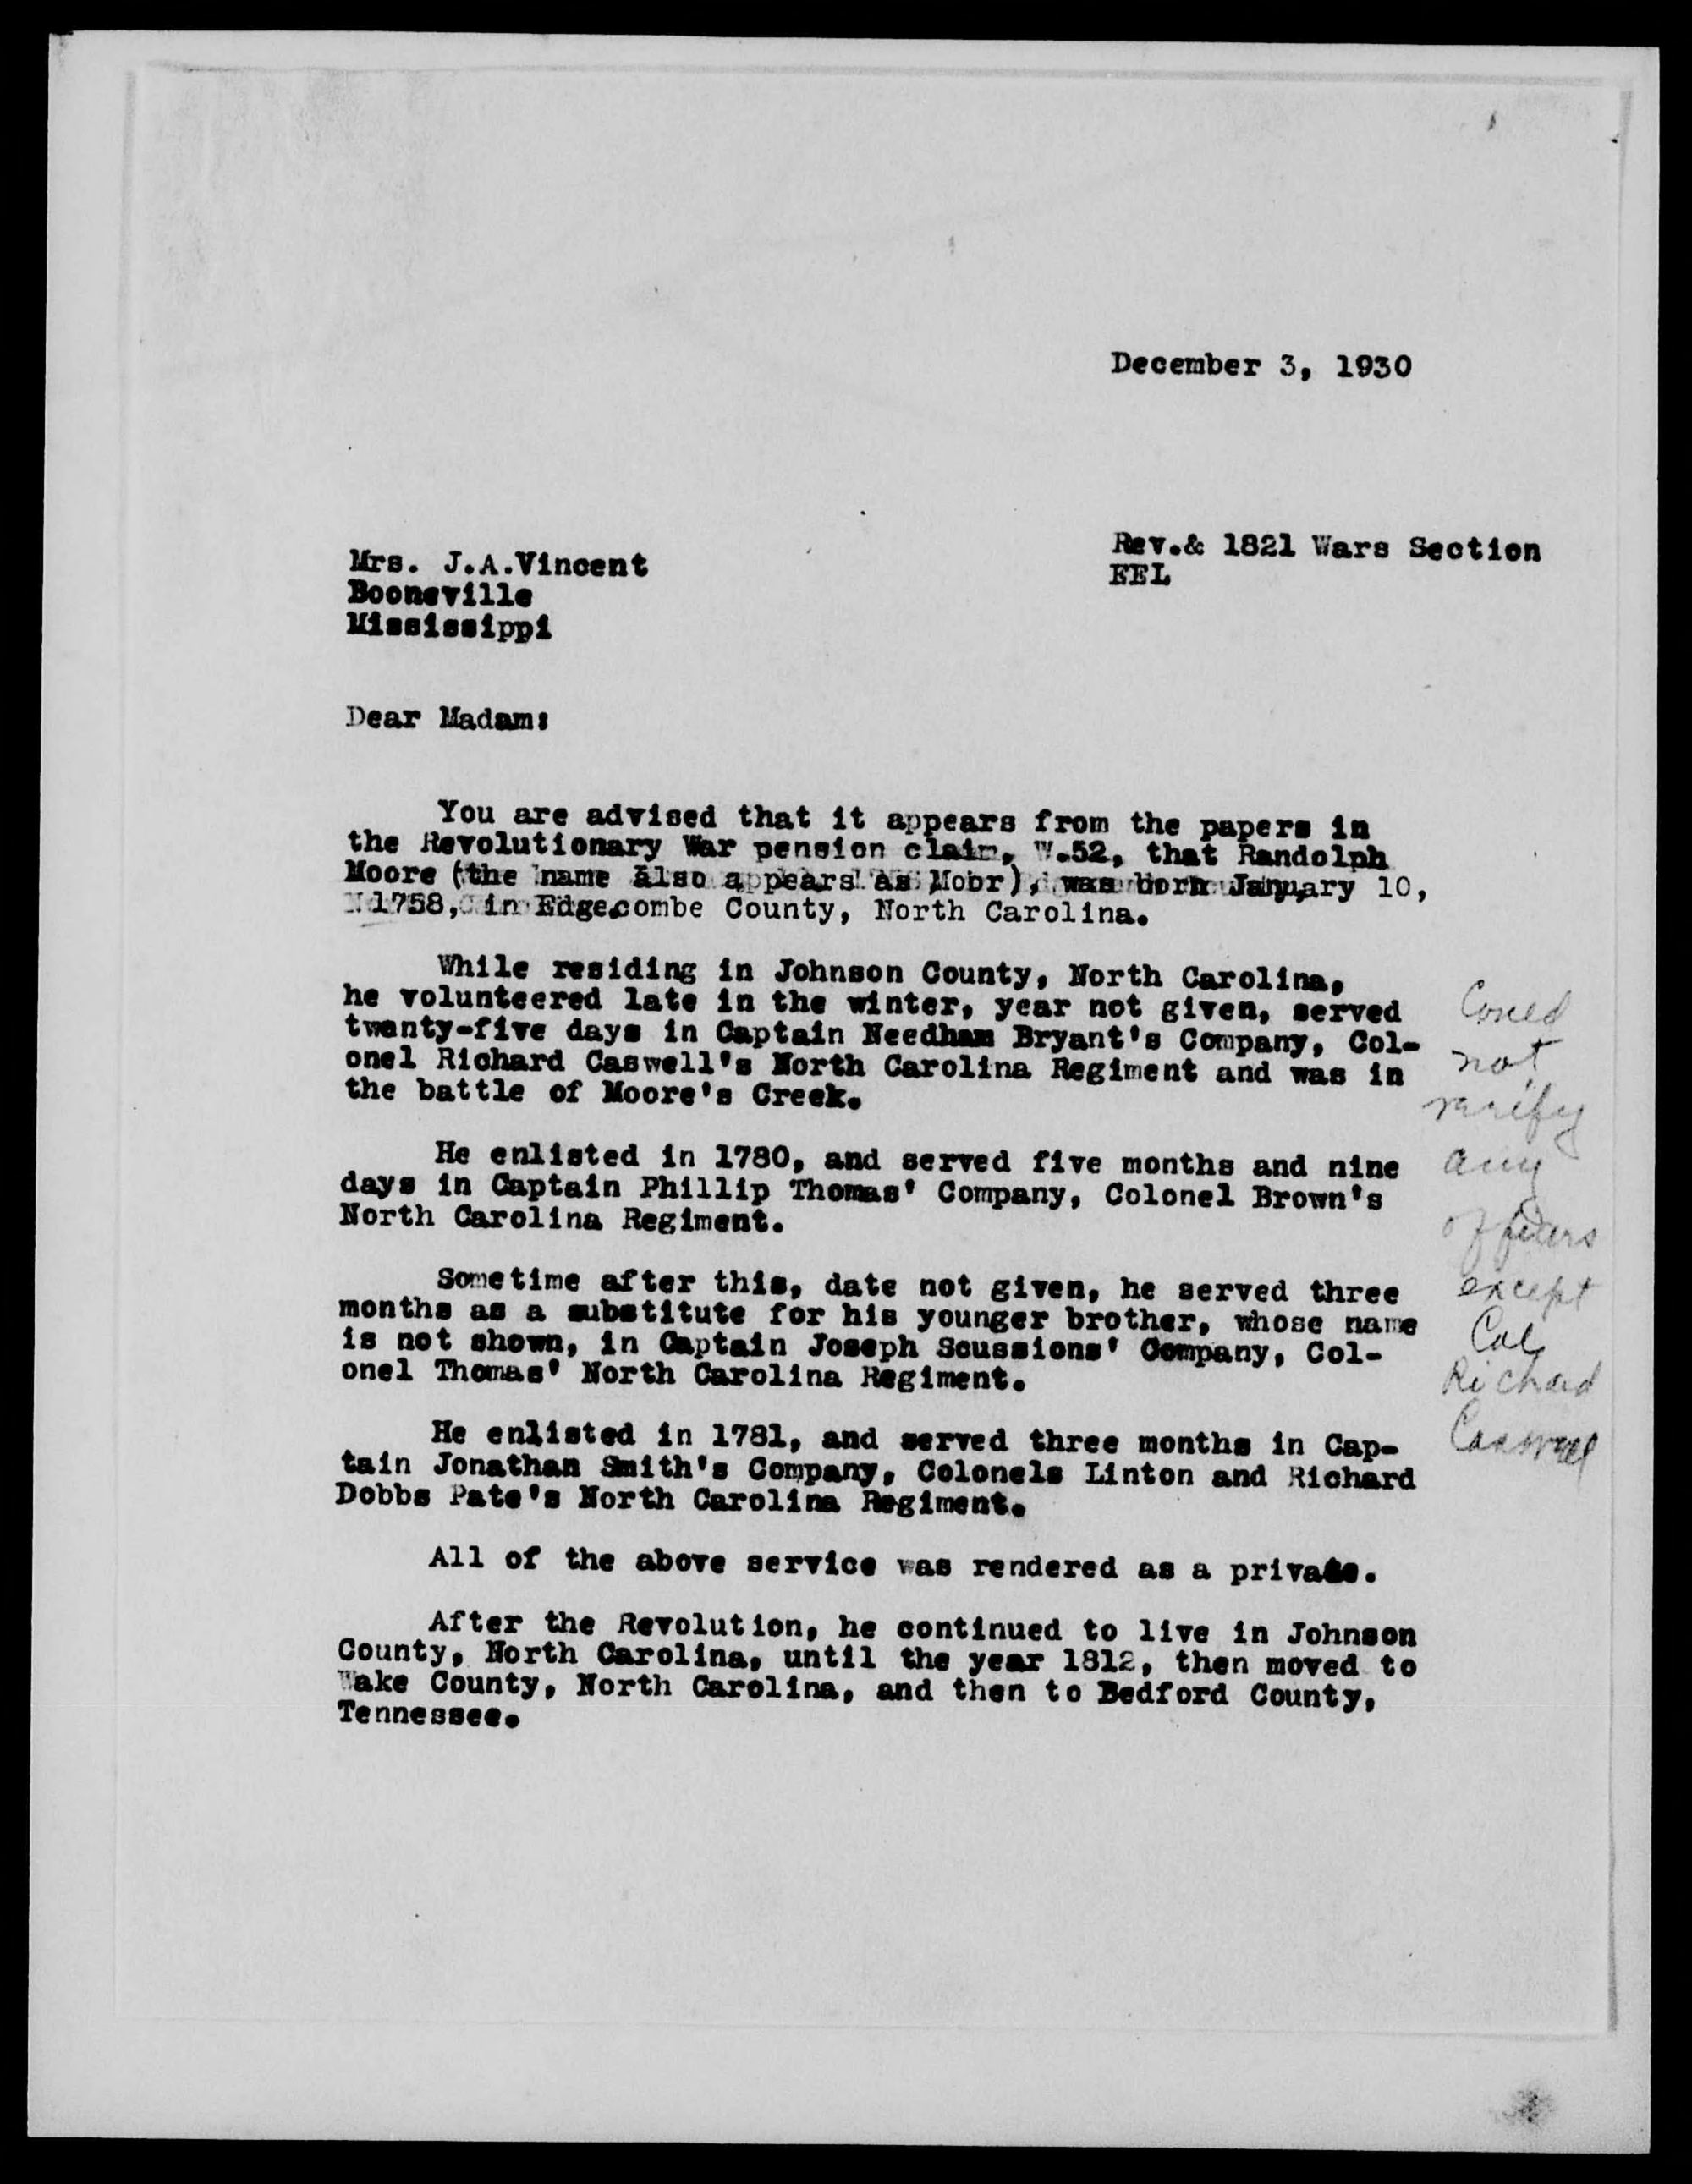December 3, 1930

Rev. & 1821 Wars Section
EEL

Mrs. J. A. Vincent
Booneville
Mississippi

Dear Madam:

You are advised that it appears from the papers in the Revolutionary War pension claim, W.52, that Randolph Moore the name also appears Moor), was born January 10, 1758, in Edgecombe County, North Carolina.
While residing in Johnson County, North Carolina, he volunteered late in the winter, year not given, served twenty-five days in Captain Needham Bryant's Company, Colonel Richard Caswell's North Carolina Regiment and was in
the battle of Moore's Creek.
He enlisted in 1780, and served five months and nine days in Captain Phillip Thomas' Company, Colonel Brown's North Carolina Regiment.
Sometime after this, date not given, he served three months as a substitute for his younger brother, whose name is not shown, in Captain Joseph Scussions' [Sessions'] Company, Colonel Thomas' North Carolina Regiment.
He enlisted in 1781, and served three months in Captain Jonathan Smith's Company, Colonels Linton and Richard Dobbs Pate's North Carolina Regiment. All of the above service was rendered as a private. After the Revolution, he continued to live in Johnson
County, North Carolina, until the year 1812, then moved to Wake County, North Carolina, and then to Bedford County, Tennessee.

[marginal note - Could not verify any officers except Col. Richard Caswell.]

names: Richard Dobbs; Randolph Moore; J A Vincent; [BLANK] Linton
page: 28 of 33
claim: widow's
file: W. 52, for Randolph Moore, North Carolina